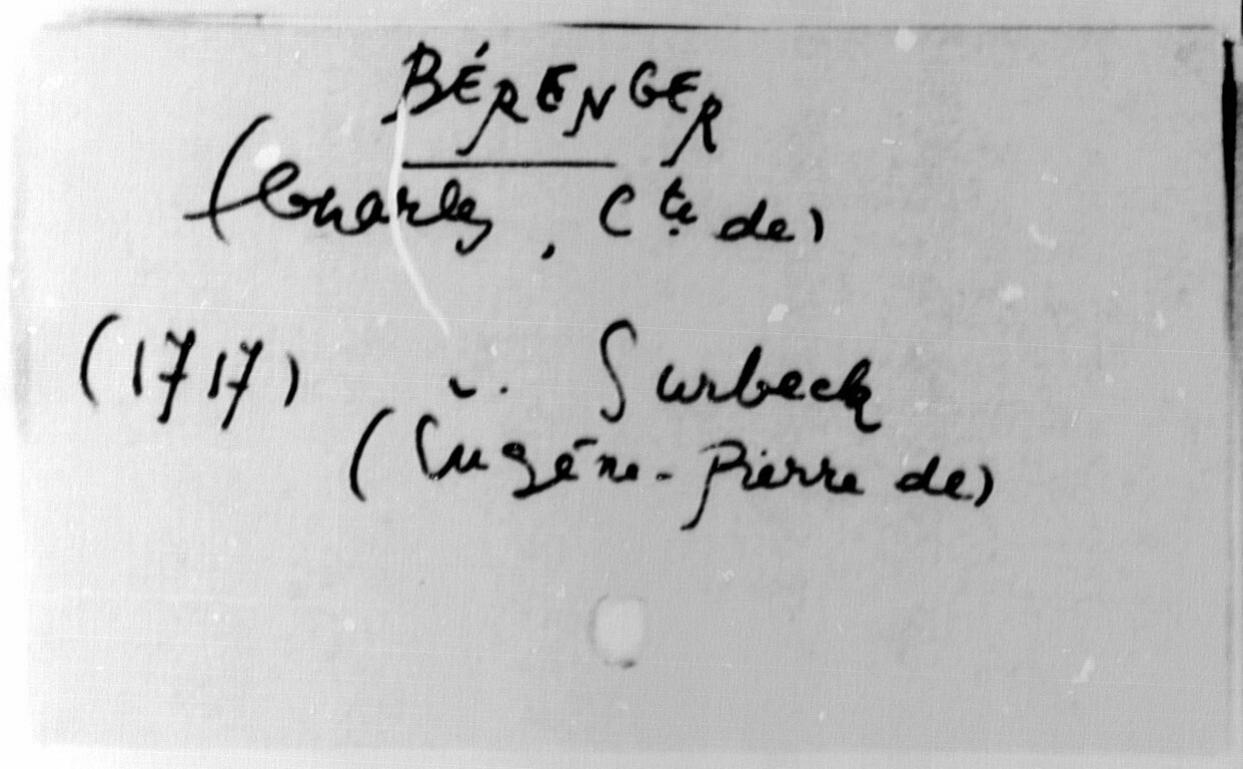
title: BERENGER (Charles, comte de)
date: (1717)
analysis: Voir : SURBECH (Eugène-Pierre de)
